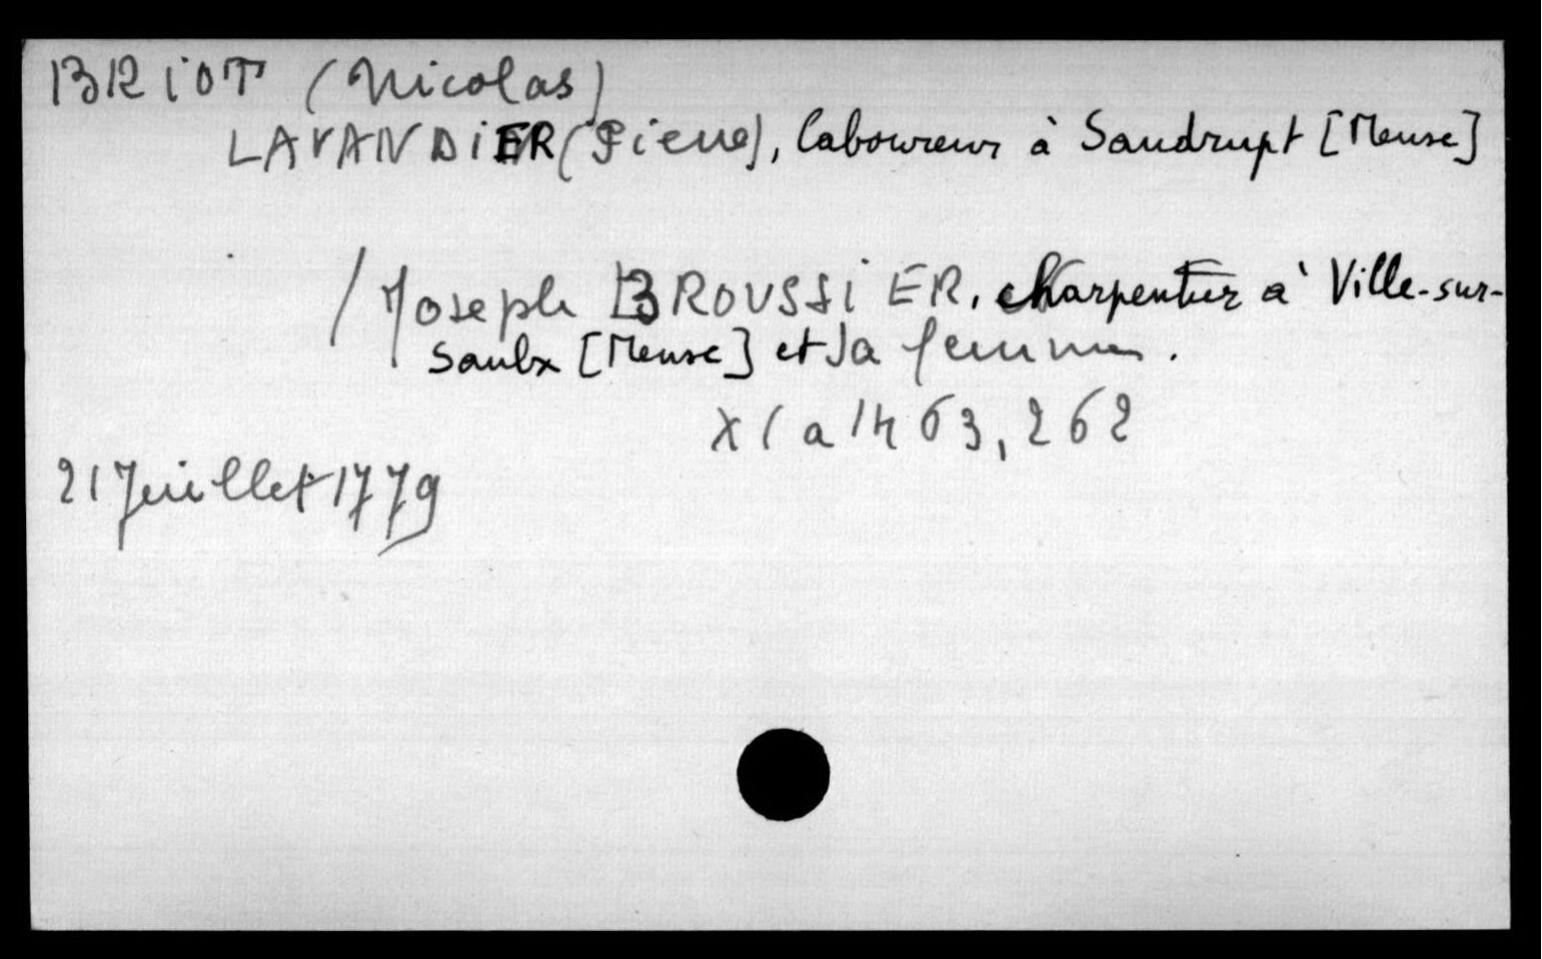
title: BRIOT (NICOLAS) LAVANDIER (Pierre), laboureur à Saudrupt [Meuse]
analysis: Contre Joseph BROUSSIER, charpentier à Ville-sur-Saulx [Meuse] et sa femme
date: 21 juillet 1779
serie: X1a
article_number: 1463
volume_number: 262
